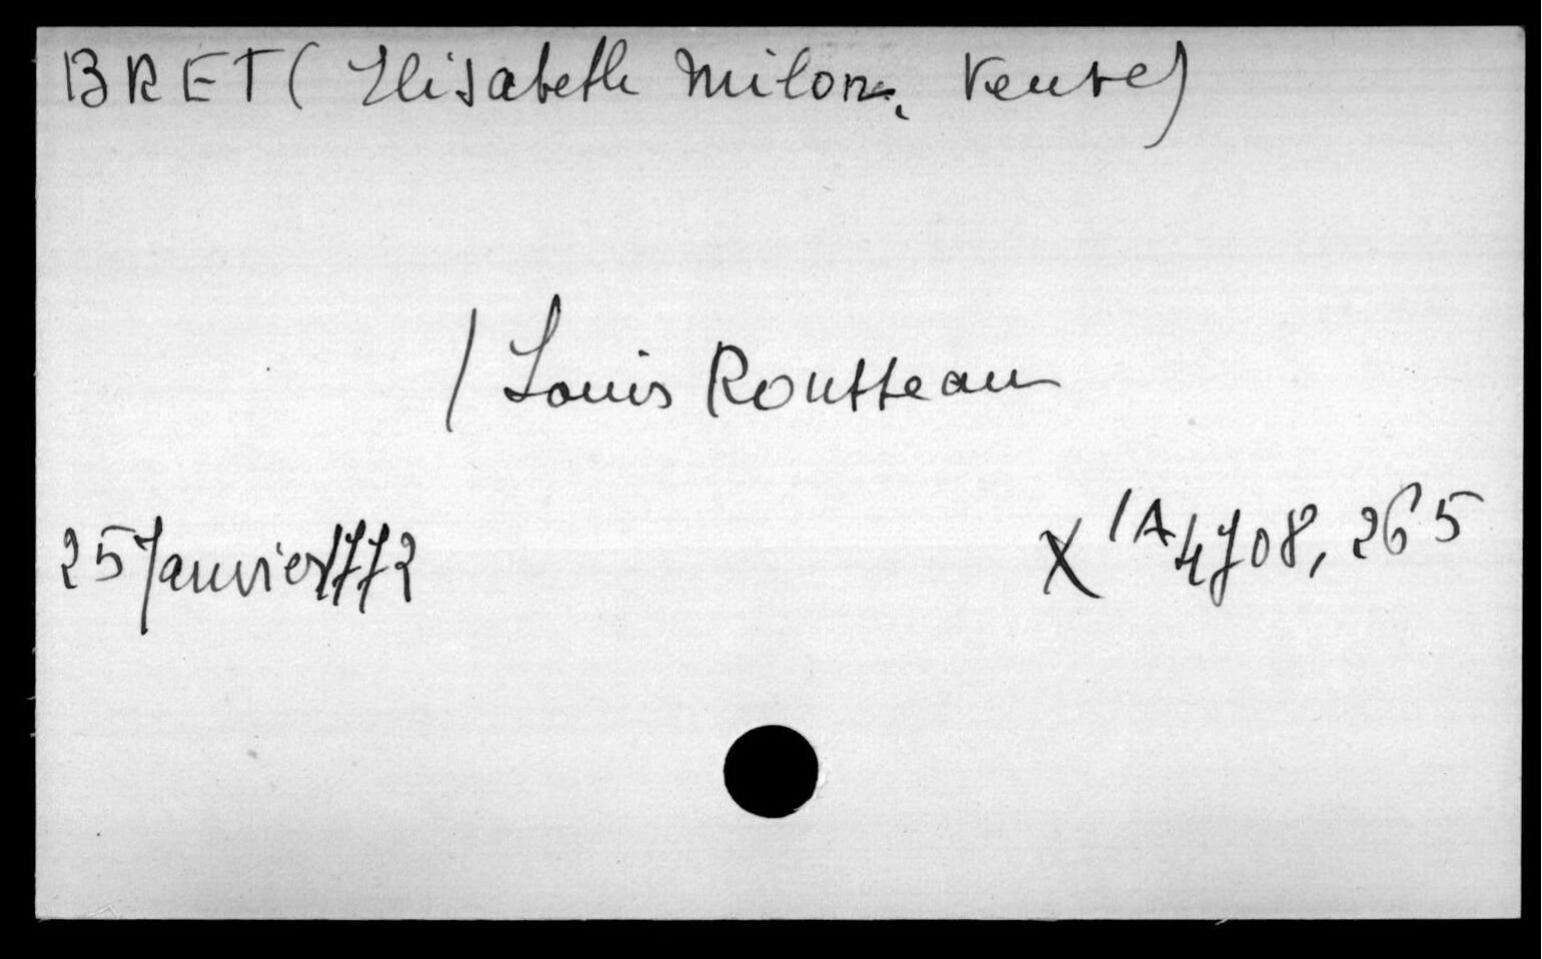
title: BRET (Élisabeth milon, Veuve)
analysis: Contre Louis Rousseau
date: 25 janvier 1772
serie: X1A
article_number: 4708
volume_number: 265
